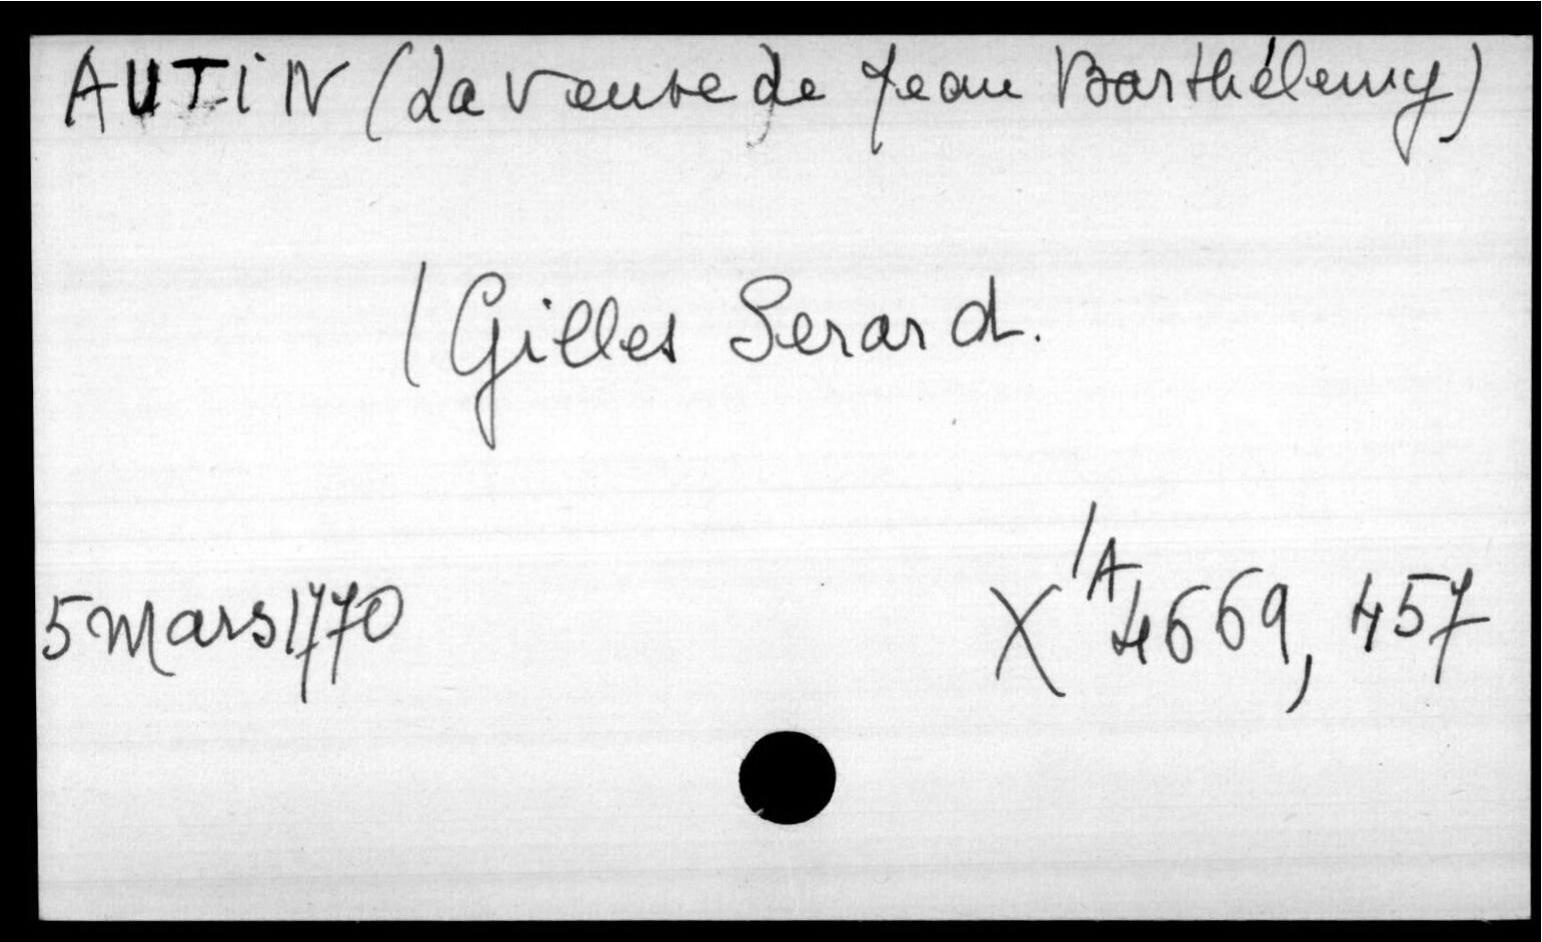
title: AUTIN (la veuve de Jean Barthélemy)
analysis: Contre Gilles Serard
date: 5 mars 1770
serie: X1A
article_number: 4669
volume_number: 457
